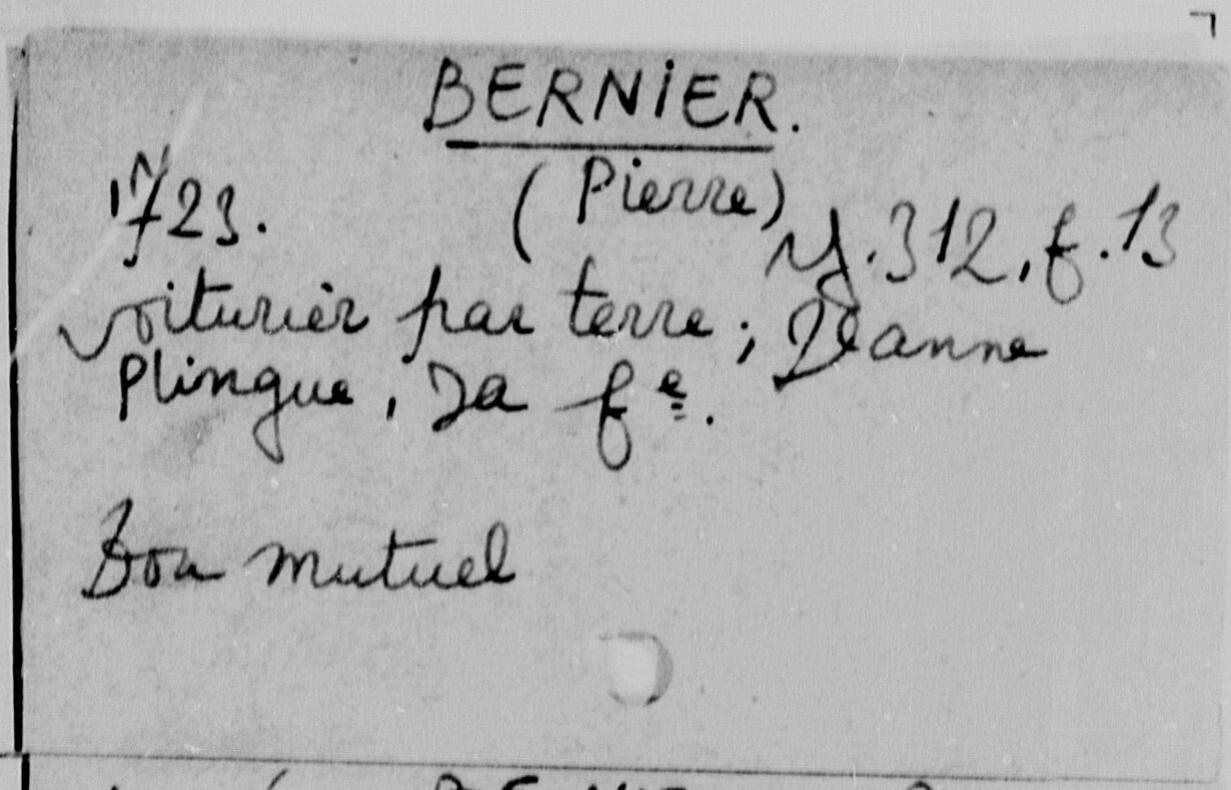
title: BERNIER (Pierre)
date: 1723
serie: Y
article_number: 312
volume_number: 13
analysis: Voiturier par terre ; Jeanne Plingue, sa femme. Don mutuel
